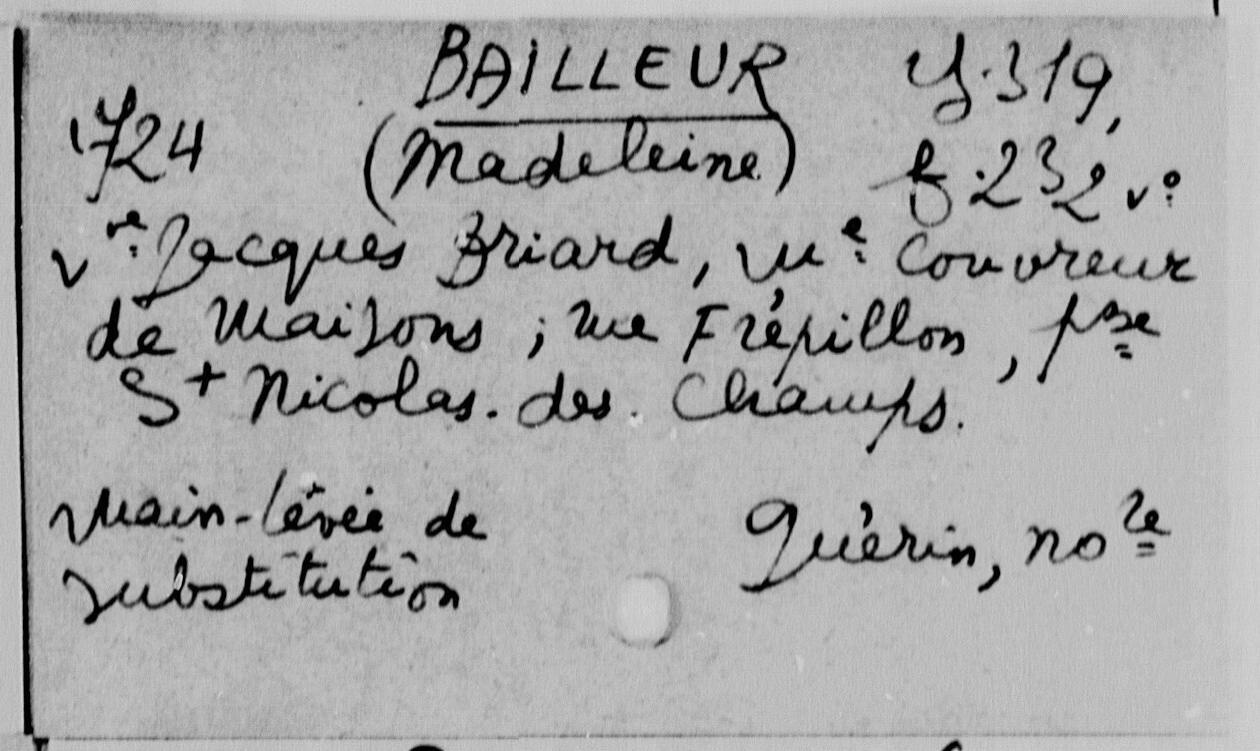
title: BAILLEUR (Madeleine)
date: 1724
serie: Y
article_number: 319
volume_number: folio 232v
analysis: Veuve Jacques Briard, maître couvreur de maisons, rue Frépillon, paroisse Saint-Nicolas-des-Champs Main-levée de substitution Guérin, notaire
